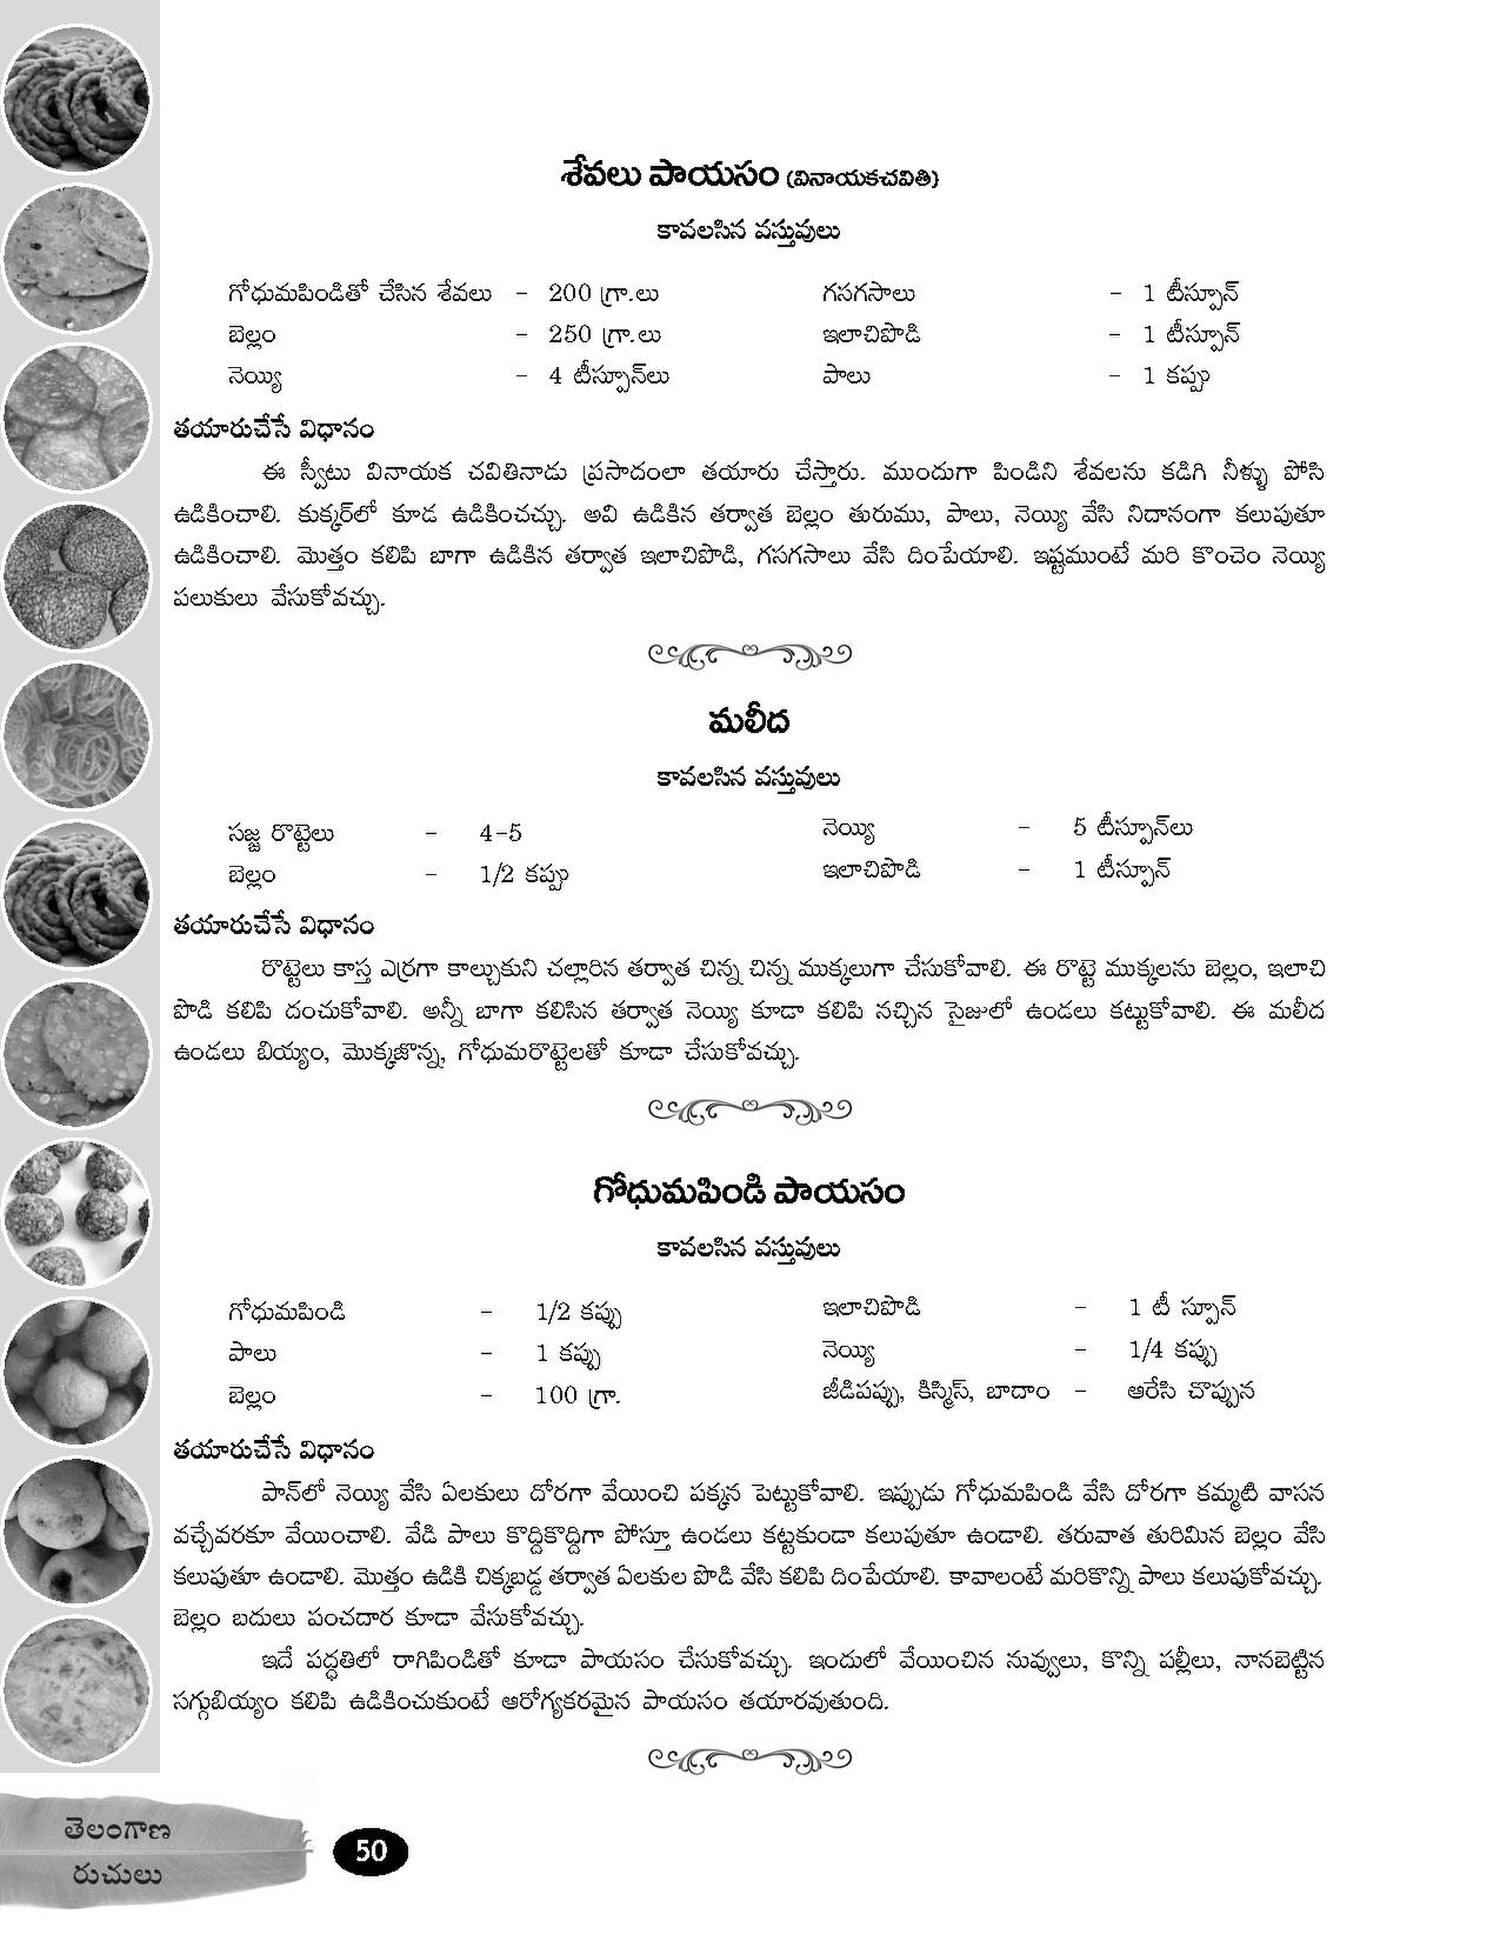+ కావలసిన వస్తువులు గొధుమపిండితొ చేసిన శేవలు 200 గ్రా.లు. గసగసాలు 1 టీస్పూన్ ఇలాచిపొడి 1 టీస్పూన్ బెల్లం 250 గ్రా.లు. నెయ్యి 4 టీస్పూన్లు పాలు 1 కప్పు 

తయారుచేసే విధానం 

ఈ స్వీటు వినాయక చవితినాడు ప్రసాదంలా తయారు చేస్తారు. ముందుగా పిండిని శేవలను కడిగి నీళ్ళు పోసి
ఉడికించాలి. కుక్కర్లో కూడ ఉడికించచ్చు. అవి ఉడికిన తర్వాత బెల్లం తురుము, పాలు, నెయ్యి వేసి నిదానంగా కలుపుతూ ఉడికించాలి. మొత్తం కలిపి బాగా ఉడికిన తర్వాత ఇలాచిపొడి, గసగసాలు వేసి దింపేయాలి. ఇష్టముంటే మరి కొంచెం నెయ్యి పలుకులు వేసుకోవచ్చు.

+ కావలసిన వస్తువులు సజ్జ రొట్టెలు 4-5. ఇలాచిపొడి 1 టీస్పూన్ బెల్లం 1/2 కప్పు నెయ్యి 5 టీస్పూన్లు 

తయారుచేసే విధానం 

రొట్టెలు కాస్త ఎర్రగా కాల్చుకుని చల్లారిన తర్వాత చిన్న చిన్న ముక్కలుగా చేసుకోవాలి. ఈ రొట్టె ముక్కలను బెల్లం, ఇలాచి పొడి కలిపి దంచుకోవాలి. అన్నీ బాగా కలిసిన తర్వాత నెయ్యి కూడా కలిపి నచ్చిన సైజులో ఉండలు కట్టుకోవాలి. ఈ మలీద ఉండలు బియ్యం, మొక్కజొన్న, గోధుమరొట్టెలతో కూడా చేసుకోవచ్చు.

+ కావలసిన వస్తువులు గొధుమపిండి 1/2 కప్పు. జీడిపప్పు, కిస్మిస్, బాదాం అరేసి చొప్పున ఇలాచిపొడి 1 టీస్పూన్ బెల్లం 100 గ్రా.లు. నెయ్యి 1/4 కప్పు పాలు 1 కప్పు

తయారుచేసే విధానం 

పాన్ లో నెయ్యి వేసి ఏలకులు దోరగా వేయించి పక్కన పెట్టుకోవాలి. ఇప్పుడు గోధుమపిండి వేసి దోరగా కమ్మటి వాసన
వచ్చేవరకూ వేయించాలి. వేడి పాలు కొద్దికొద్దిగా పోస్తూ ఉండలు కట్టకుండా కలుపుతూ ఉండాలి. తరువాత తురిమిన బెల్లం వేసి కలుపుతూ ఉండాలి. మొత్తం ఉడికి చిక్కబడ్డ తర్వాత ఏలకుల పొడి వేసి కలిపి దింపేయాలి. కావాలంటే మరికొన్ని పాలు కలుపుకోవచ్చు. బెల్లం బదులు పంచదార కూడా వేసుకోవచ్చు.

ఇదే పద్దతిలో రాగిపిండితో కూడా పాయసం చేసుకోవచ్చు. ఇందులో వేయించిన నువ్వులు, కొన్ని పల్లీలు, నానబెట్టిన
సగ్గుబియ్యం కలిపి ఉడికించుకుంటే ఆరోగ్యకరమైన పాయసం తయారవుతుంది.